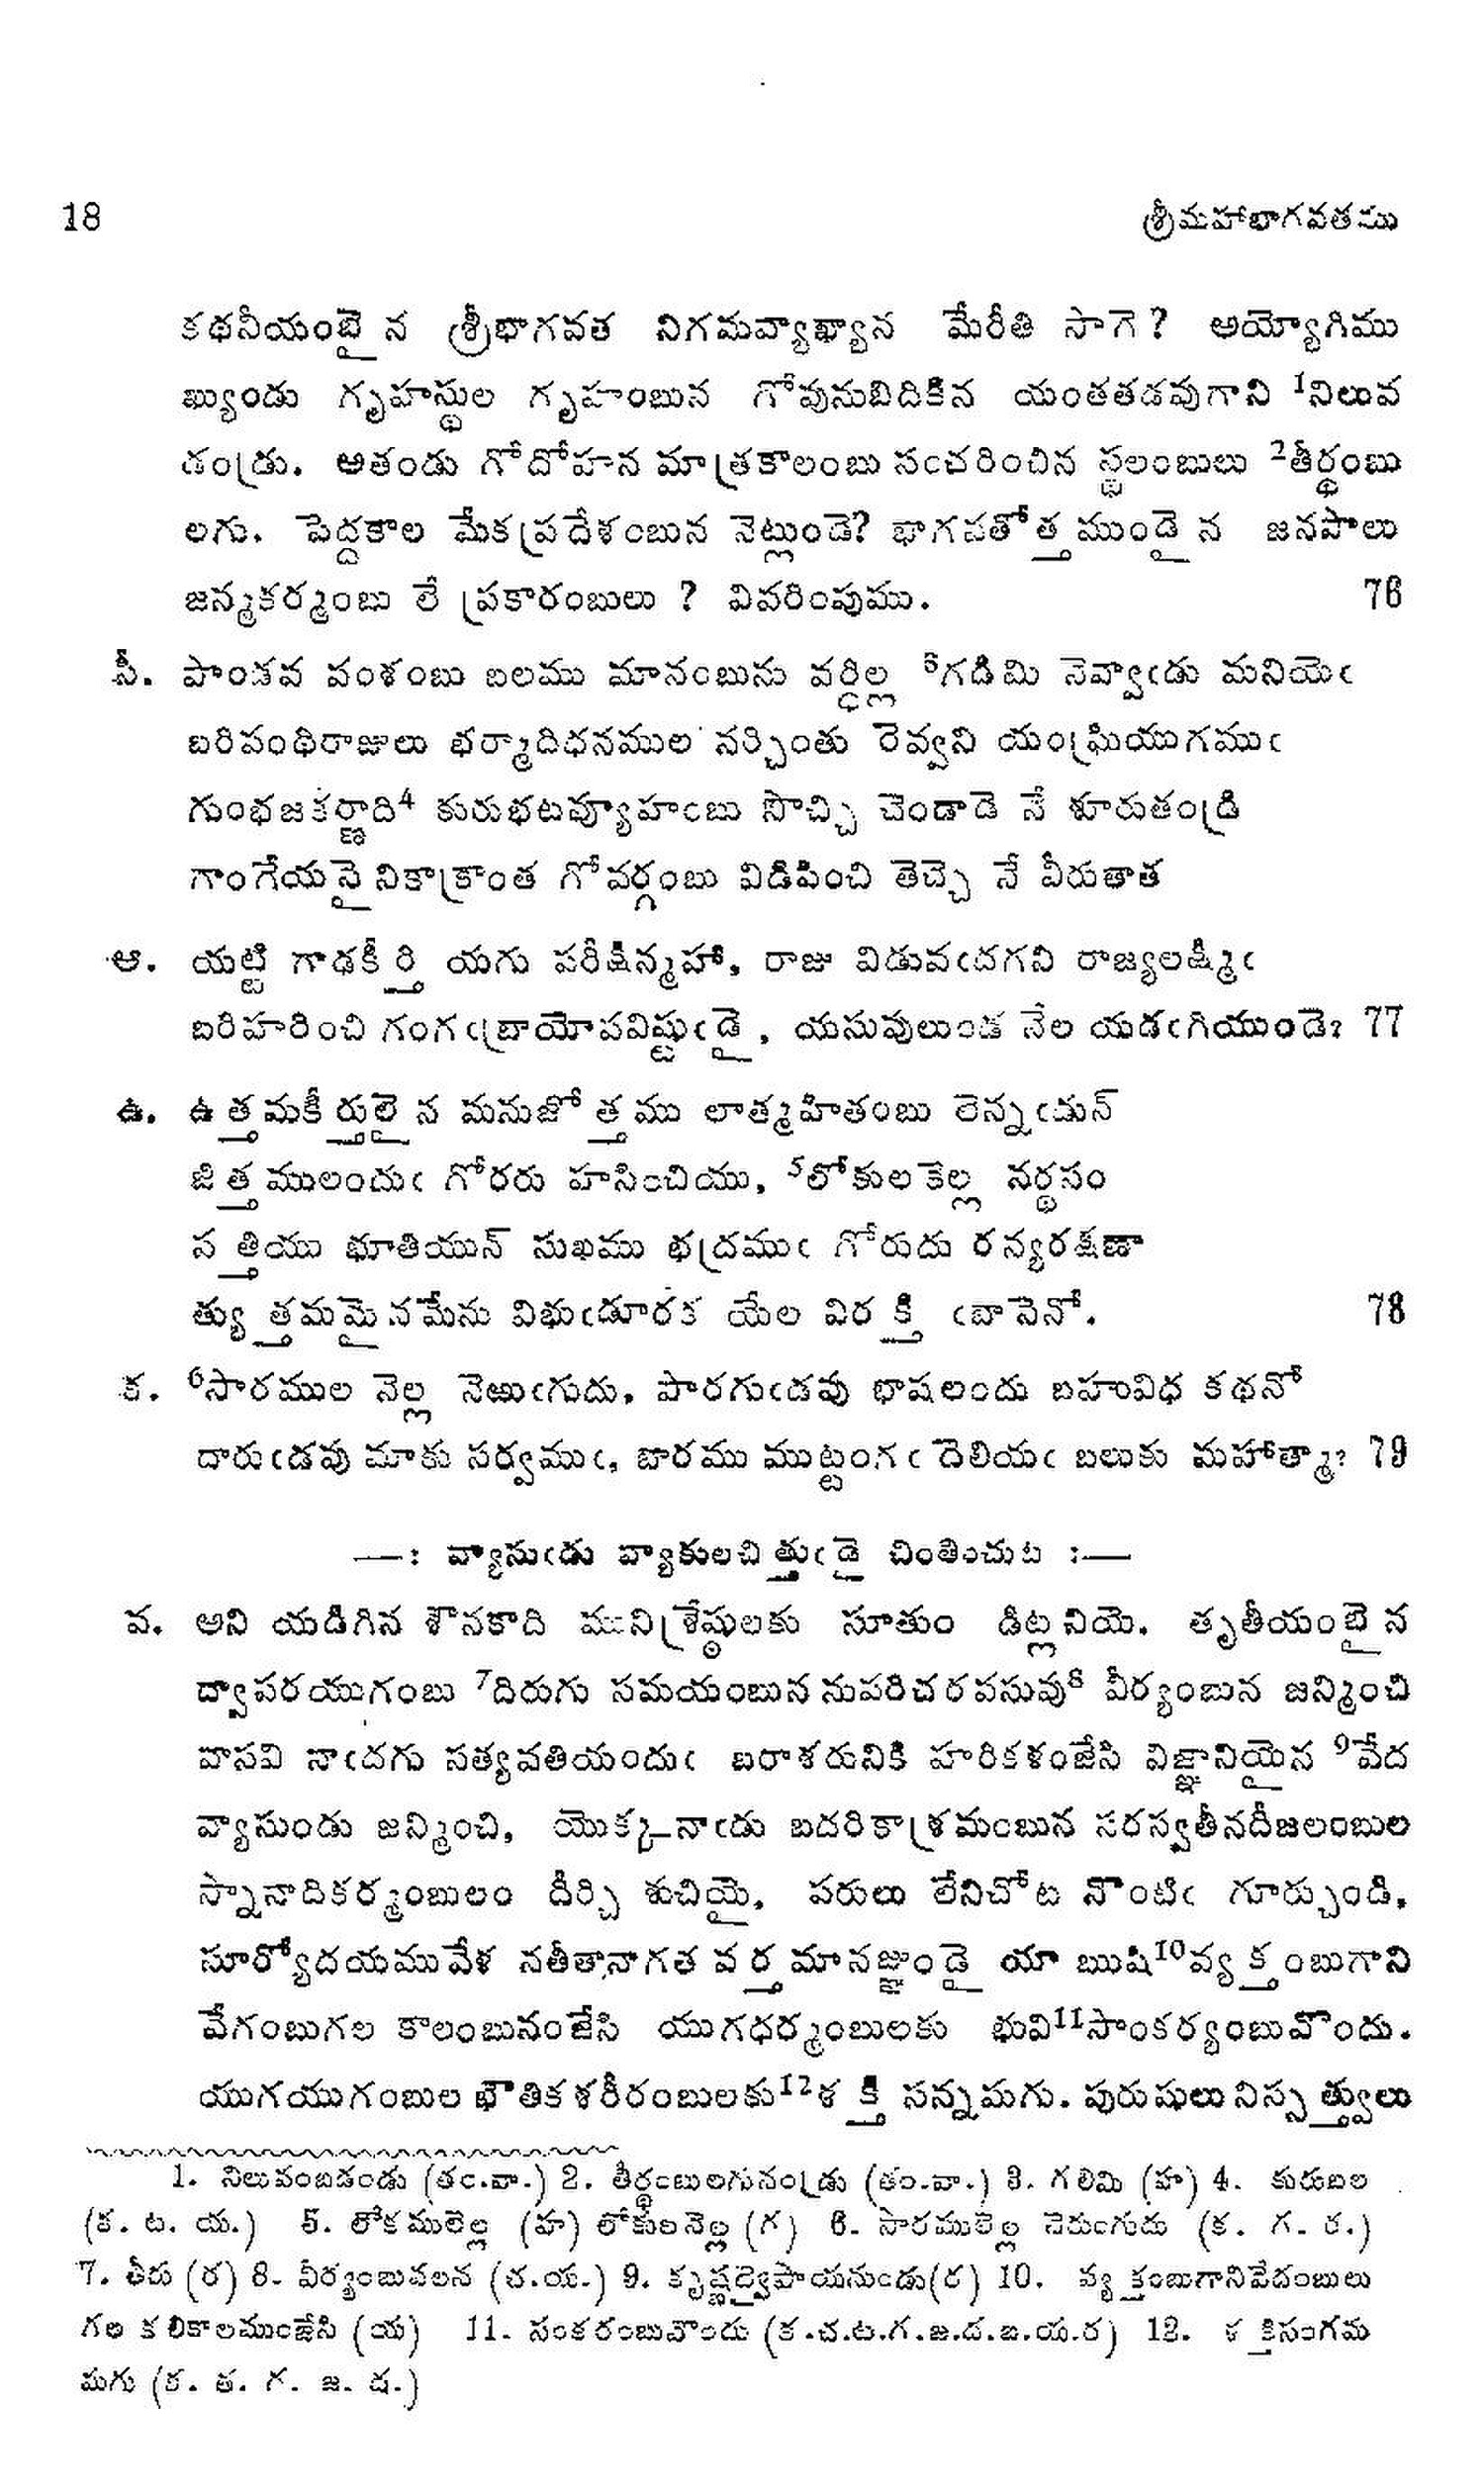18

కథనీయంబైన శ్రీ మహాభాగవత నిగమ వ్యాఖ్యాన మే రీతి సాఁగె ? అయ్యోగిముఖ్యుండు గృహస్థుల గృహంబున గోవును బిదికినయంత తడవు గాని నిలువఁడండ్రు. అతండు గోదోహన మాత్ర కాలంబు సంచరించిన స్థలంబులు తీర్థంబులగు. పెద్ద కాలం బేక ప్రదేశమున నెట్లుండె ? భాగవతోత్తముండైన జనపాలు జన్మకర్మంబు లే ప్రకారంబు ? వివరింపుము. (1-76)

సీ. పాండవ వంశంబు బలము మానంబును వర్ధిల్లఁ గడిమి నెవ్వాఁడు మనియెఁ

బరిపంథి రాజులు భర్మాది ధనముల నర్చింతు రెవ్వాని యంఘ్రియుగముఁ

గుంభజ కర్ణాది కురుభట వ్యూహంబు సొచ్చి చెండాడె నే శూరు తండ్రి

గాంగేయ సైనికాక్రాంత గోవర్గంబు విడిపించి తెచ్చె నే వీరు తాత 

ఆ.వె. యట్టి గాఢకీర్తి యగు పరీక్షిన్మహా, రాజు విడువఁదగని రాజ్యలక్ష్మిఁ

బరిహరించి గంగఁ బ్రాయోపవిష్టుఁడై, యసువులుండ నేల యడఁగి యుండె. (1-77)

ఉ. ఉత్తమకీర్తులైన మనుజోత్తము లాత్మహితంబు లెన్నడున్

జిత్తములందుఁ గోరరు హసించియు లోకులకెల్ల నర్థ సం

పత్తియు భూతియున్ సుఖము భద్రముఁ గోరుదు రన్యరక్షణా

త్యుత్తమమైన మేను విభుఁ డూరక యేల విరక్తిఁ బాసెనో ? (1-78)

కం. సారముల నెల్ల నెఱుగుదు, పారగుఁడవు భాషలందు బహువిధ కథనో

దారుఁడవు మాకు సర్వముఁ , బారము ముట్టంగఁ దెలియఁ బలుకు మహాత్మా ! (1-79)

వ. అని యడిగిన శౌనకాది మునిశ్రేష్ఠులకు సూతున్ డిట్లనియె. తృతీయంబైన ద్వాపర యుగంబు తీఱు సమయంబున నుపరిచర వసువు వీర్యంబున జన్మించి వాసవి నాఁదగు సత్యవతియందుఁ బరాశరునికి హరికళం జేసి విజ్ఞానియైన వేదవ్యాసుండు జన్మించి యొక్కనాఁడు బదరికాశ్రమంబున సరస్వతీ నదీజలంబుల స్నానాది కర్మంబులం దీర్చి శుచియై పరులు లేనిచోట నొంటిఁ గూర్చుండి సూర్యోదయము వేళ నతీతానాగత వర్తమానజ్ఞుండై యా ఋషి వ్యక్తంబు గాని వేగంబు గల కాలంబునం జేసి యుగధర్మంబులకు భువి సాంకర్యంబు వొందు. యుగయుగంబుల భౌతిక శరీరంబులకు శక్తి సన్నంబగు. పురుషులు నిస్సత్త్వులు